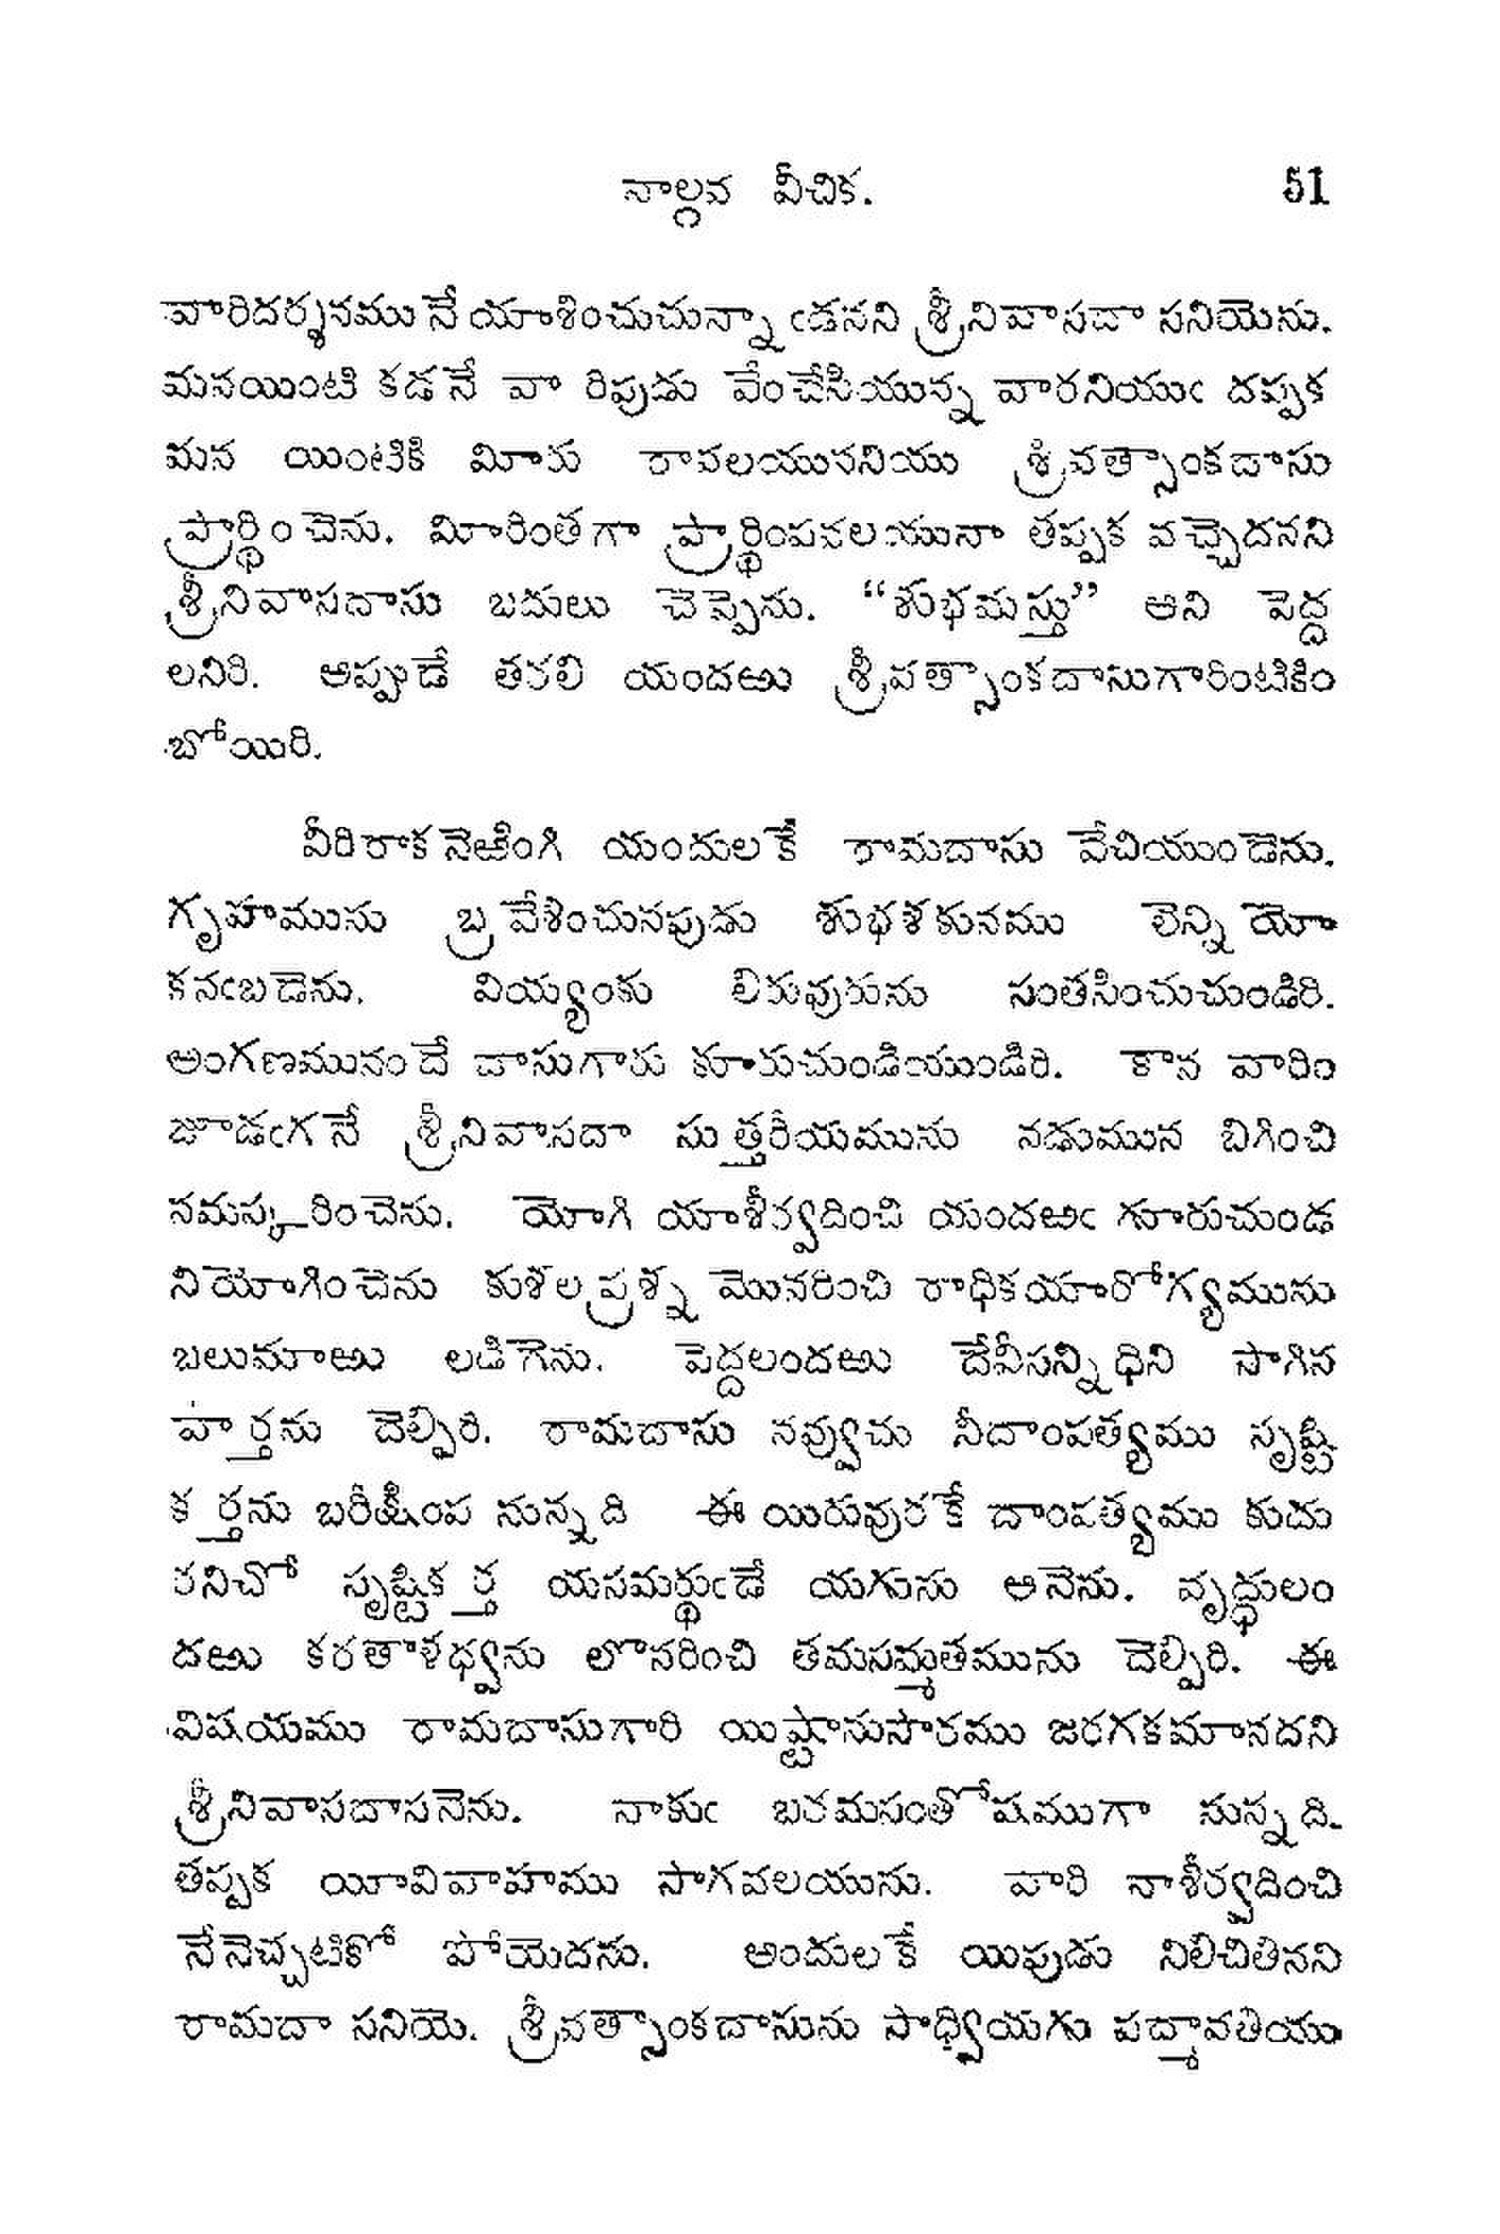వారిదర్శనము నేయాశించుచున్నాఁడనని శ్రీనివాసదా సనియెను. మనయింటి కడనే వారిపుడు వేంచేసియున్న వారనియుఁ దప్పక మన యింటికి మీరు రావలయుననియు శ్రీవత్సాంకదాసు ప్రార్థించెను. మీరింతగా ప్రార్థింపవలయునా తప్పక వచ్చెదనని శ్రీనివాసదాసు బదులు చెప్పెను. "శుభమస్తు” అని పెద్ద లని. అప్పుడే తరలి యందఱు శ్రీవత్సాంకదాసుగారింటికిం బోయిరి.

వీరి రాక నెఱింగి యందులకే రామదాసు వేచియుండెను. గృహముసు బ్రవేశించునపుడు శుభశకునము లెన్ని యో కనఁబడెను. వియ్యంకు లిరువురును సంతసించుచుండిరి. అంగణమునం దే దాసుగారు కూరుచుండియుండిరి. కాన వారిని జూడఁగ నే శ్రీనివాసదా సుత్తరీయమును నడుమున బిగించి నమస్కరించెను. యోగి యాశీర్వదించి యందఱఁ గూరుచుండ నియోగించెను కుశల ప్రశ్న మొనరించి రాధిక యారోగ్యమును బలుమాఱు లడిగెను. పెద్దలందఱు దేవీసన్నిధిని సాగిన వార్తను దెల్పిరి. రామదాసు నవ్వుచు నీదాంపత్యము సృష్టి కర్తను బరీక్షింప నున్నది. ఈ యిరువురకే దాంపత్యము కుదురనిచో సృష్టికర్త యసమర్థుఁడే యగును అనెను. వృద్ధులందఱు కరతాళధ్వను లొనరించి తమసమ్మతమును దెల్పిరి. ఈ విషయము రామదాసుగారి యిష్టానుసారము జరగకమానదని శ్రీనివాసదాసనెను. నాకుఁ బరమసంతోషముగా నున్నది. తప్పక యీవివాహము సాగవలయును. వారి నాశీర్వదించినేనెచ్చటికో పోయెదను. అందులకే యిపుడు నిలిచితినని రామదా సనియె. శ్రీవత్సాంకదాసును సాధ్వియగు పద్మావతియు